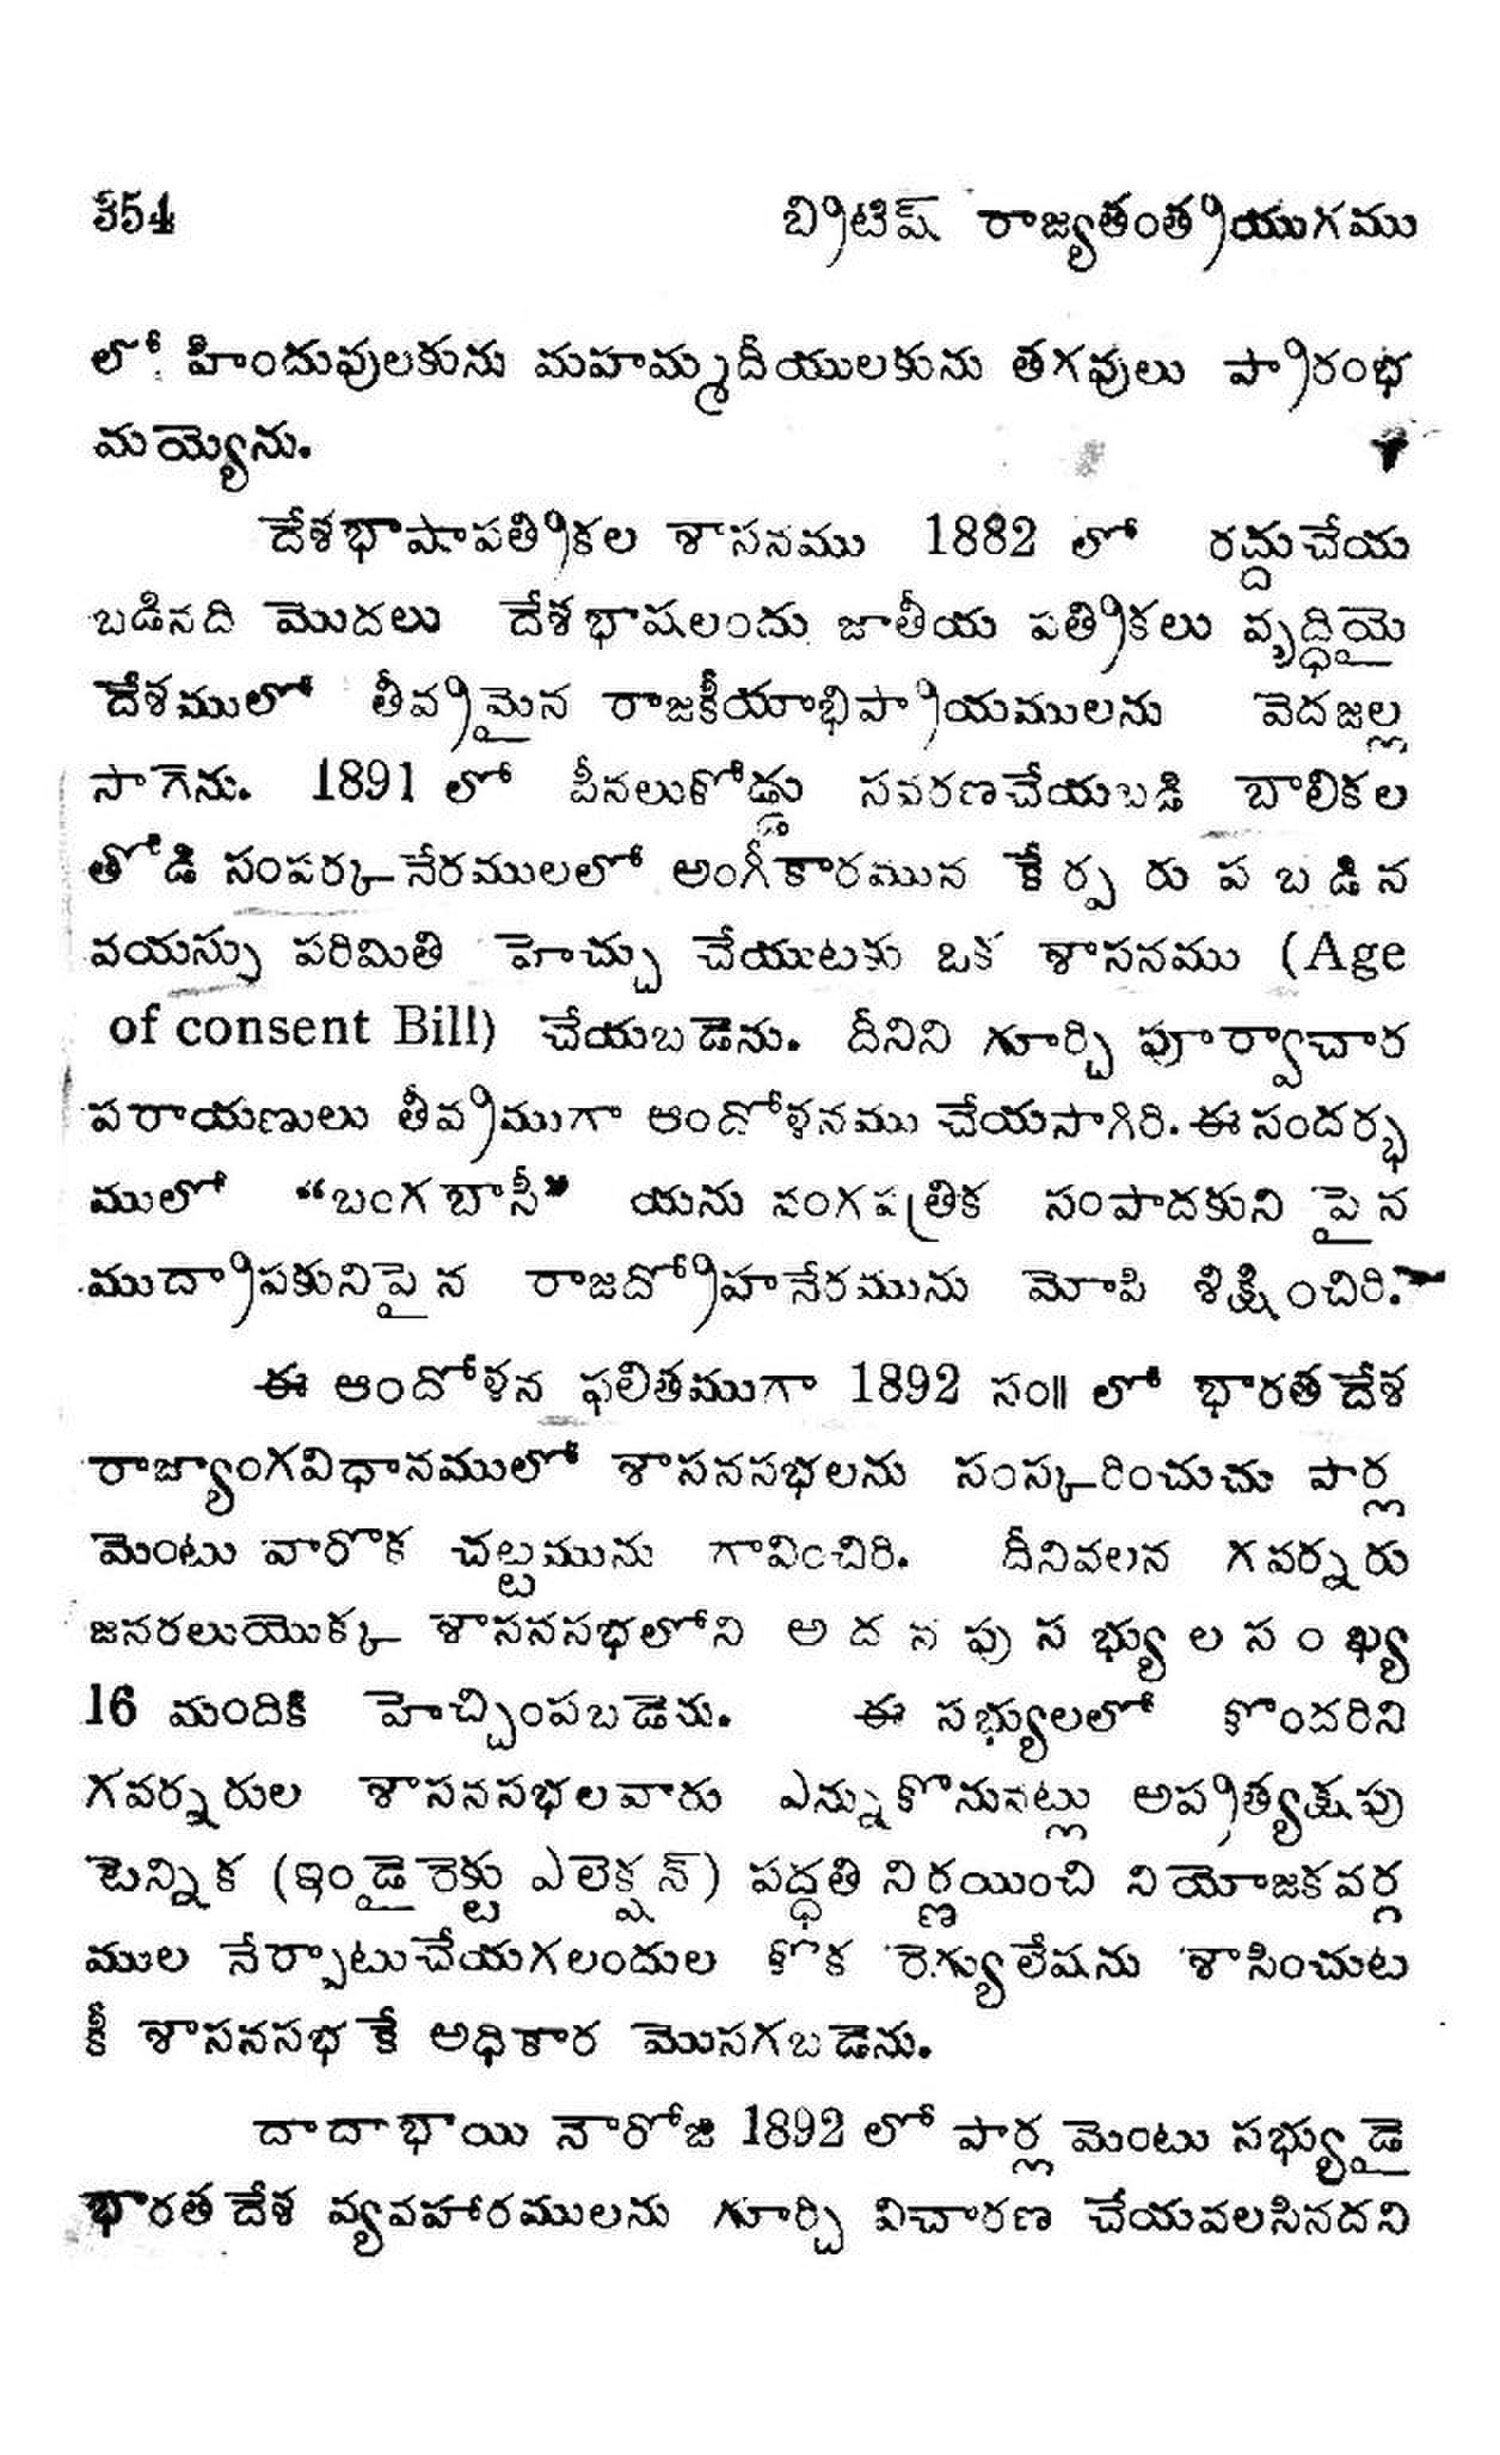లో, హిందువులకును మహమ్మదీయులకును తగవులు ప్రారంభమయ్యెను.

దేశభాషాపత్రికల శాసనము 1882 లో రద్దుచేయబడినది మొదలు దేశభాషలందు జాతీయ పత్రికలు వృద్ధియై దేశములో తీవ్రమైన రాజకీయాభిప్రాయములను వెదజల్ల సాగెను. 1891 లో పీనలుకోడ్డు సవరణచేయబడి బాలికలతోడి సంపర్క నేరములలో అంగీకారమున కేర్పరుపబడిన వయస్సు పరిమితి హెచ్చు చేయుటకు ఒక శాసనము (Age of consent Bill) చేయబడెను. దీనిని గూర్చి పూర్వాచార పరాయణులు తీవ్రముగా ఆందోళనము చేయసాగిరి. ఈ సందర్భములో “బంగబాసీ” యను వంగపత్రిక సంపాదకుని పైన ముద్రాపకునిపైన రాజద్రోహనేరమును మోపి శిక్షించిరి.”

ఈ ఆందోళన ఫలితముగా 1892 సం|| లో భారతదేశ రాజ్యాంగవిధానములో శాసనసభలను సంస్కరించుచు పార్లమెంటు వారొక చట్టమును గావించిరి. దీనివలన గవర్నరుజనరలుయొక్క శాసనసభలోని అదనపుసభ్యులసంఖ్య 16 మందికి హెచ్చింపబడెను. ఈ సభ్యులలో కొందరిని గవర్నరుల శాసనసభలవారు ఎన్నుకొనునట్లు అప్రత్యక్షపు టెన్నిక (ఇండైరెక్టు ఎలెక్షన్) పద్దతి నిర్ణయించి నియోజకవర్గముల నేర్పాటుచేయగలందుల కొక రెగ్యులేషను శాసించుట కీ శాసనసభకే అధికార మొసగబడెను.

దాదాభాయి నౌరోజి 1892 లో పార్లమెంటు సభ్యుడై భారతదేశ వ్యవహారములను గూర్చి విచారణ చేయవలసినదని